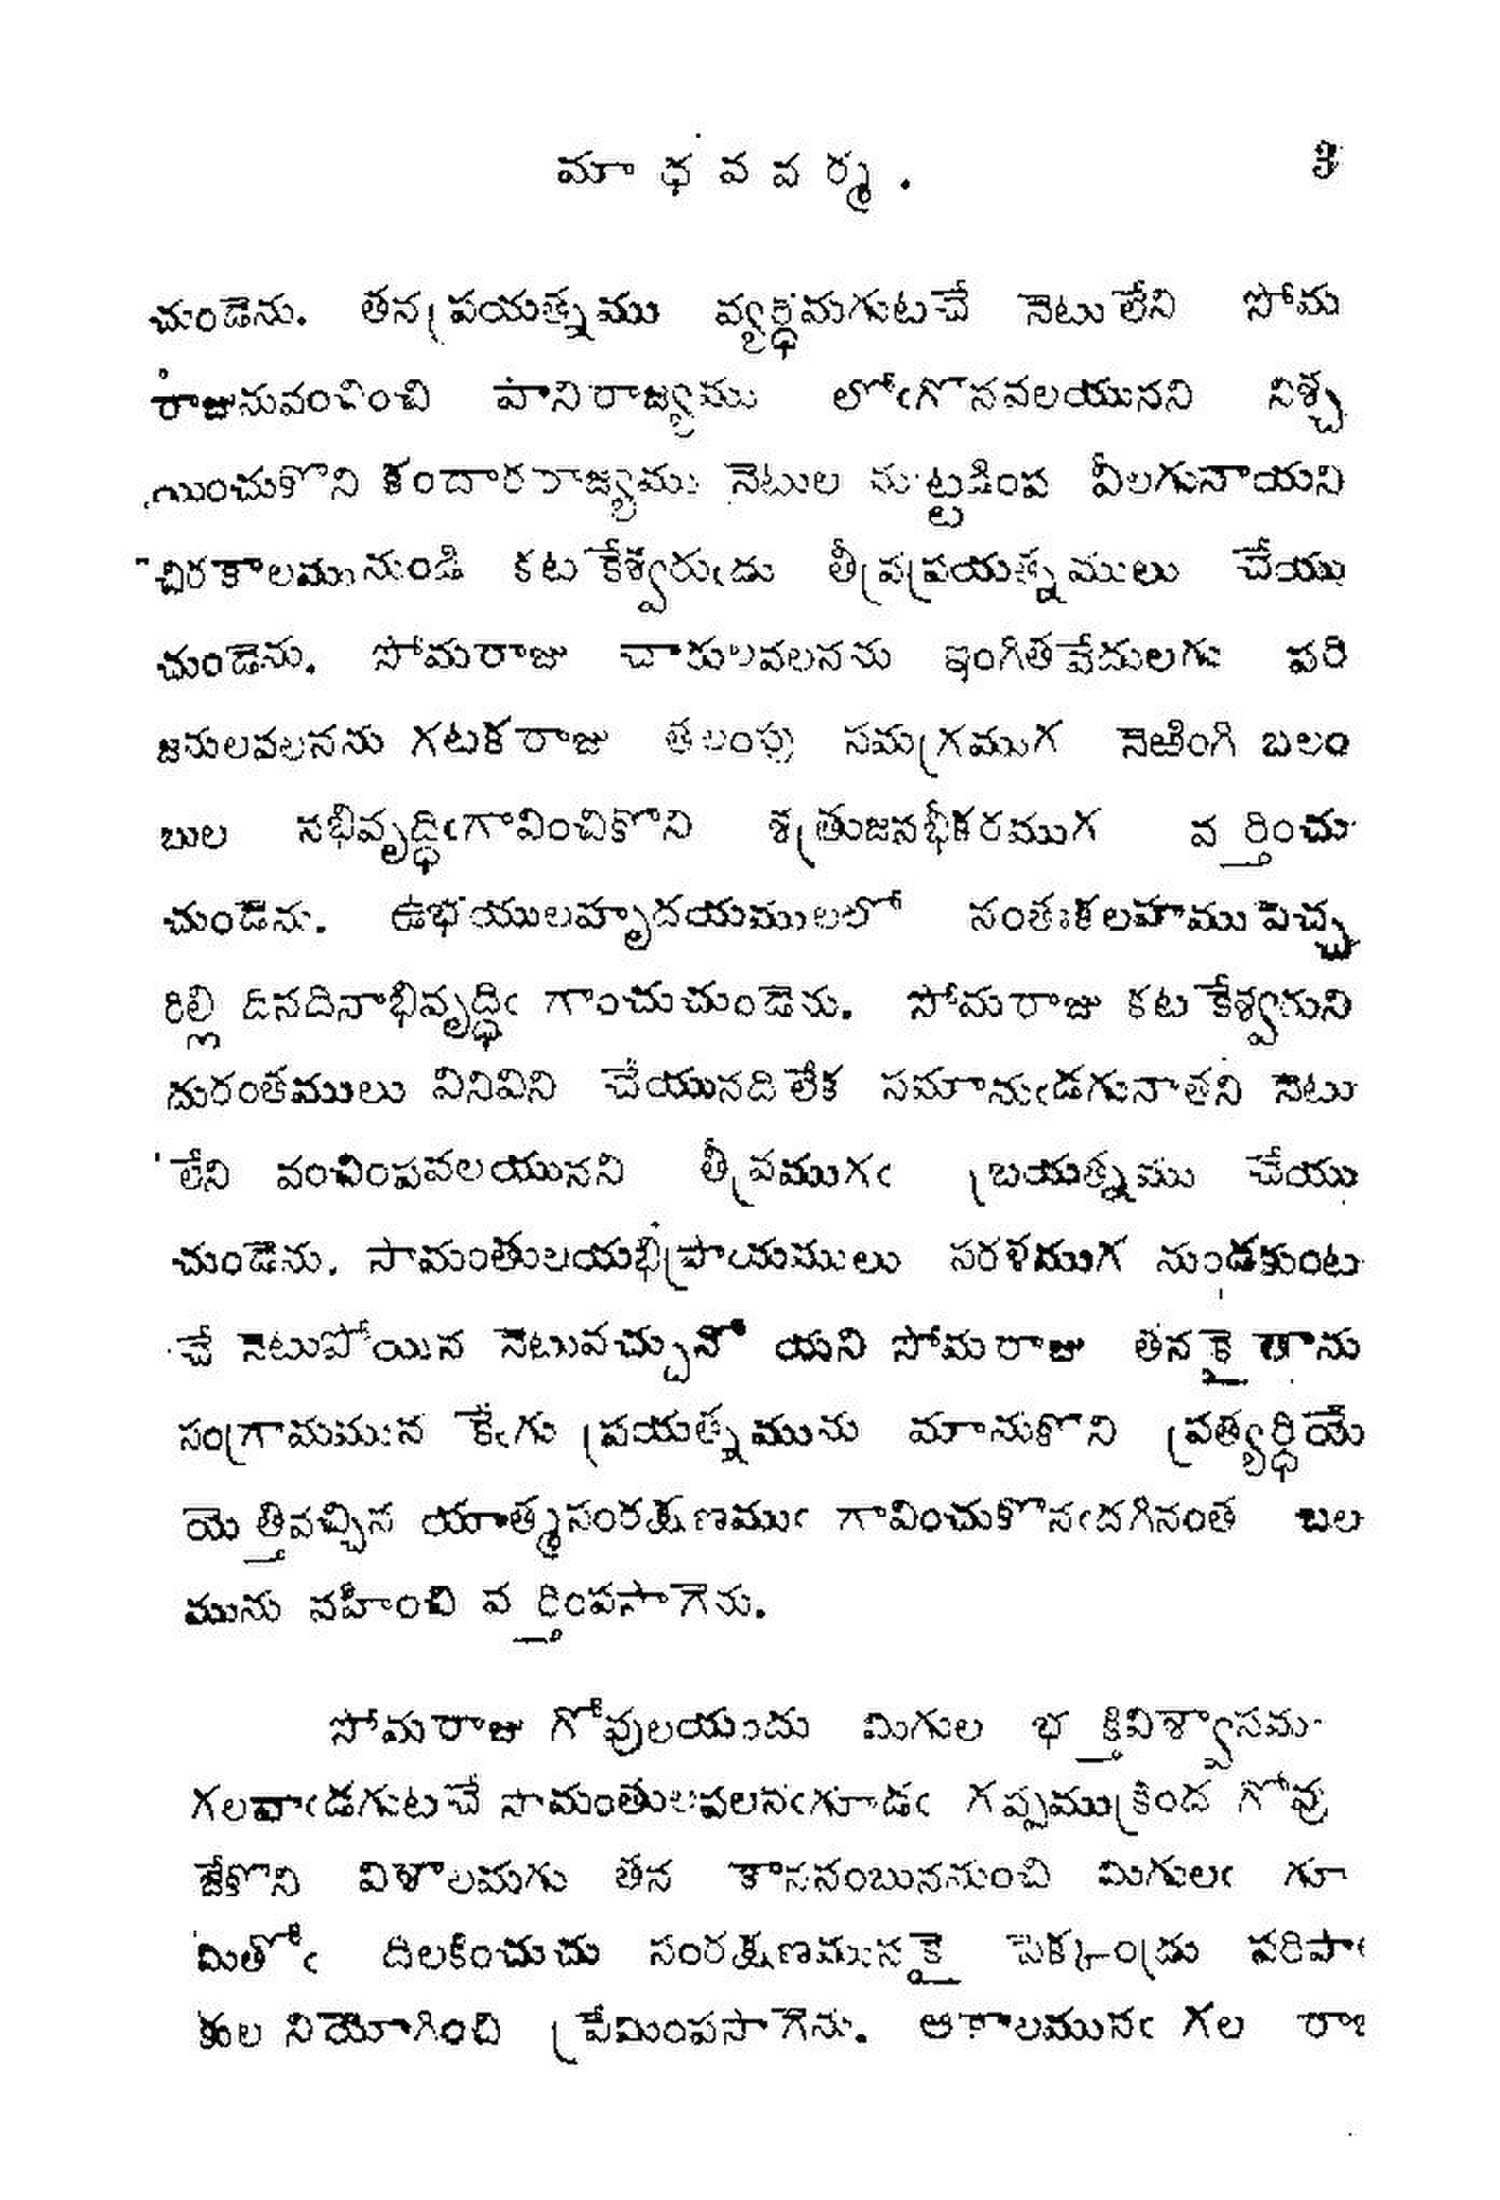చుండెను. తనప్రయత్నము వ్యర్థమగుటచే నెటులేని సోమరాజునువంచించి వానిరాజ్యము లోగొనవలయునని నిశ్చయించుకొని కందారరాజ్యము నెటుల ముట్టడింప వీలగునాయని చిరకాలమునుండి కటకేశ్వరుడు తీవ్రప్రయత్నములు చేయు చుండెను. సోమరాజు చారులవలనను ఇంగితవేదులగు పరిజనులవలనను గటకరాజు తలంపు సమగ్రముగ నెఱింగి బలంబుల నభివృద్ధిగావించికొని శత్రుజనభీకరముగ వర్తించుచుండెను. ఉభయులహృదయములలో నంత:కలహము పెచ్చరిల్లి దినదినాభివృద్ధి గాంచుచుండెను. సోమరాజు కటకేశ్వరుని దురంతములు వినివిని చేయునదిలేక సమానుడగునాతని నెటులేని వంచింపవలయునని తీవ్రముగ బ్రయత్నము చేయుచుండెను. సామంతుల యభిప్రాయములు సరళముగ నుండకుంటచే నెటుపోయిన నెటువచ్చునో యని సోమరాజు తనకై తాను సంగ్రామమున కేగు ప్రయత్నమును మానుకొని ప్రత్యర్ధియే యెత్తివచ్చిన యాత్మసంరక్షణము గావించుకొనదగినంత బలమును వహించి వర్తింపసాగెను.

సోమరాజు గోవులయందు మిగుల భక్తివిశ్వాసము గలవాడగుటచే సామంతుల వలనగూడ గప్పము క్రింద గోవుల జేకొని విశాలమగు తన కాననంబుననుంచి మిగుల గూరిమితో దిలకించుచు సంరక్షణమునకై పెక్కండ్రు పరిపాలకుల నియోగించి ప్రేమింపసాగెను. ఆకాలమున రా